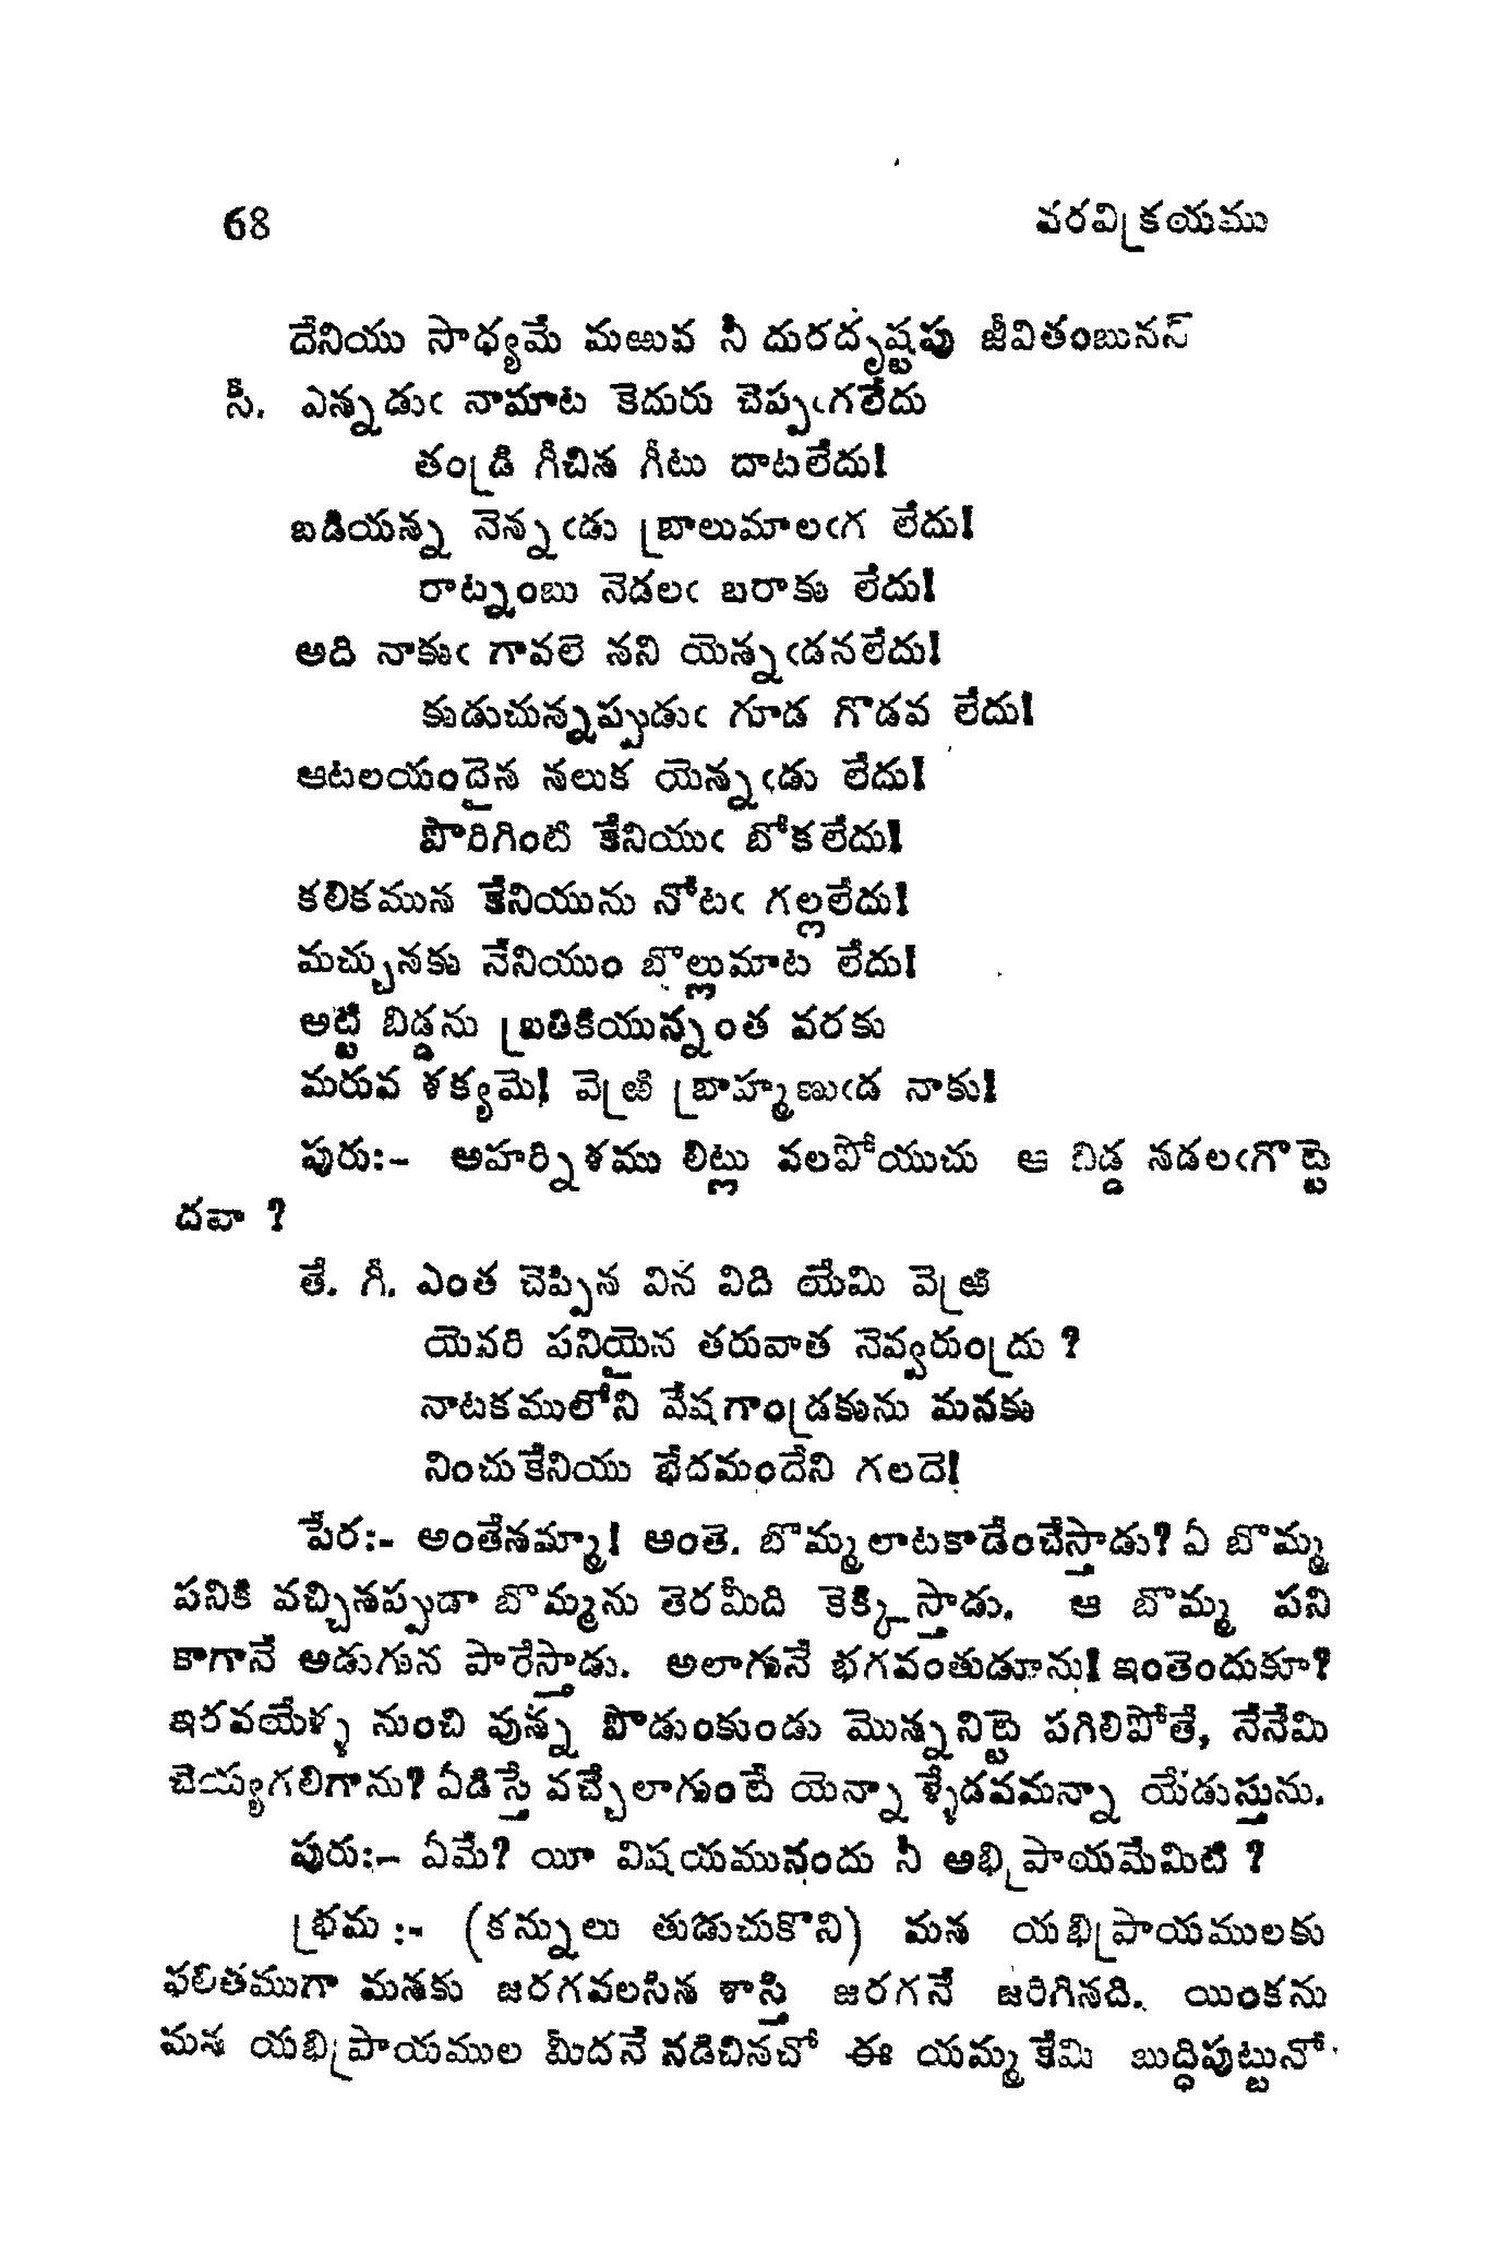దేనియు సాధ్యమే మఱువ నీ దురదృష్టపు జీవితంబునన్‌!

సీ. ఎన్నడుఁ నామాట కెదురు చెప్పఁగలేదు!
 తండ్రి గీచిన గీటు దాటలేదు!
 బడియన్న నెన్నఁడు బ్రాలుమాలఁగ లేదు!
 రాట్నంబు నెడలఁ బరాకు లేదు!
 అది నాకుఁ గావలె నని యెన్నఁడన లేదు!
 కుడుచునప్పుడుఁ గూడ గొడవ లేదు!
 ఆటలయందైన -నలుక యెన్నఁడు లేదు!
 పొరుగింటి కేనియుఁ బోకలేదు!

 కలికమున కేనియును నోటఁ గల్లలేదు!
 మచ్చునకు నేనియుం బొల్లుమాట లేదు!
 అట్టి బిడ్డను బ్రతికియున్నంత వరకు
 మరువ శక్యమె! వెఱ్ఱి బ్రాహ్మణుఁడ నాకు!
పురు :- అహర్నిశము లిట్లు వలపోయుచు ఆ బిడ్డ నడలఁగొట్టెదవా?

తే. ఎంత చెప్పిన విన విది యేమి వెఱ్రి
 యెవరి పనియైన తరువాత నెవ్వరుంద్రు?
 నాటకములోని వేషగాండ్రకును మనకు
 నించుకేనియు భేదమెందేని గలదె!
పేర :- అంతేనమ్మా! అంతె. బొమ్మలాటకాడేంచేస్తాడు? ఏ బొమ్మ పని వచ్చినప్పుడా బొమ్మను తెరమీది కెక్కిస్తాడు. ఆ బొమ్మ పని కాగానే అడుగున పారేస్తాడు. అలాగునే భగవంతుడూను! ఇంతెందుకూ? ఇరవయేళ్ళ నుంచి వున్న పొడుంకుండు మొన్ననిట్టె పగిలిపోతె, నేనేమి చెయ్యగలిగాను! ఏడిస్తే వచ్చేలాగుంటే యెన్నాళ్ళేడవమన్నా యేడుస్తును!

పురు :- ఏమే? యీ విషయమునందు నీ యభిప్రాయమేమిటి?

భ్రమ :- (కన్నులు తుడుచుకొని) మన యభిప్రాయములకు ఫలితముగా మనకు జరగవలసిన శాస్తి జరగనే జరిగినది. యింకను మన యభిప్రాయముల మీదనే నడచినచో ఈ యమ్మకేమి బుద్ధిపుట్టునో